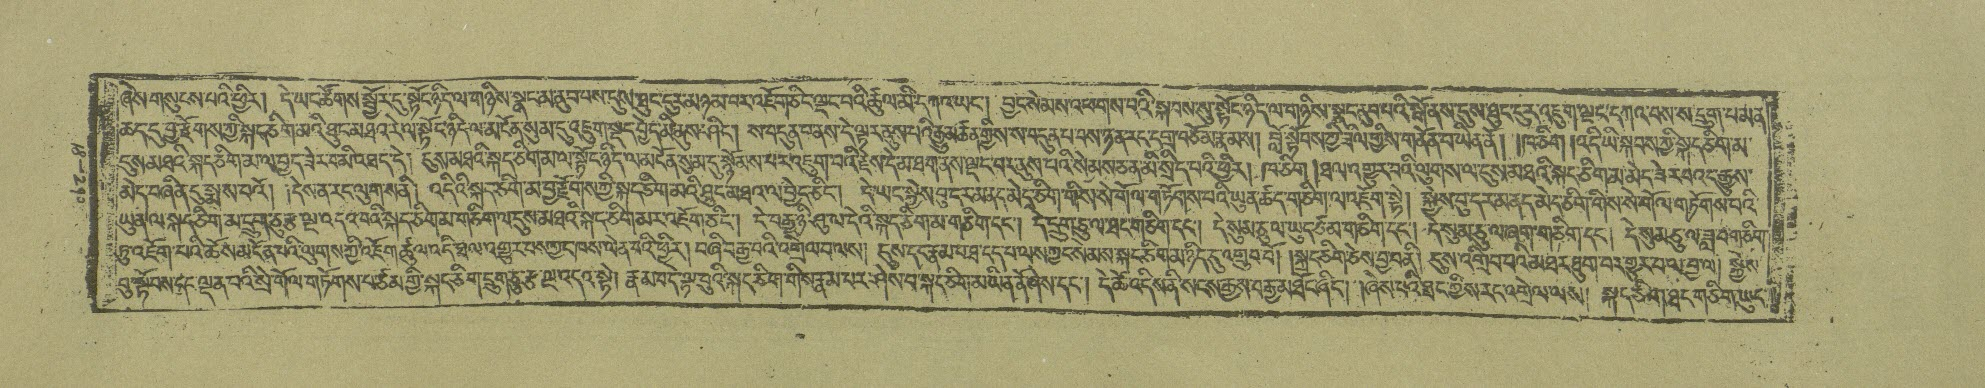ཞེས་གསུངས་པའི་ཕྱིར། དེ་ཡང་ཚོགས་སྦྱོར་དུ་སྟོང་ཉིད་ལ་གཉིས་སྣང་མ་ནུབ་པས་དུས་ཐུང་ངུར་མཉམ་པར་འཇོག་ཅིང་ལྡང་བའི་ཚུལ་མི་དཀའ་ཡང་། བྱང་སེམས་འཕགས་པའི་སྐབས་སུ་སྟོང་ཉིད་ལ་གཉིས་སྣང་ནུབ་པའི་སྒོ་ནས་དུས་ཐུང་ངུར་འཇུག་ལྡད་དཀའ་བས་ས་དྲུག་པ་མན་
ཆད་དུ་བྱ་རྫོགས་ཀྱི་སྐད་ཅིག་མའི་ཐུང་མཐའ་རེ་ལ་སྟོང་ཉིད་ལ་མངོན་སུམ་དུ་འཇུག་སྡད་བྱེད་མི་ནུས་ཤིང་། ས་བདུན་པ་ནས་དེ་ལྟར་ནུས་པའི་རྒྱུ་མཚན་གྱིས་ས་བདུན་པ་བས་ཉན་རང་དགྲ་བཅོམ་རྣམས། བློ་སྟོབས་ཀྱི་ཟིལ་གྱིས་གནོན་པ་ཡིན་ནོ། །ཁ་ཅིག །འདི་ཡི་སྐབས་ཀྱི་སྐད་ཅིག་མ་
དུས་མཐའི་སྐད་ཅིག་མ་ལ་བྱད་ཟེར་བ་མི་འཐད་དེ། དུས་མཐའི་སྐད་ཅིག་མ་ལ་སྟོང་ཉིད་ལ་མངོན་སུམ་དུ་སྙོམས་པར་འཇུག་པའི་རྗེས་དེ་མ་ཐག་ནས་ལྡང་བར་ནུས་པའི་སེམས་ཅན་མི་སྲིད་པའི་ཕྱིར། ཁ་ཅིག །ཐལ་འགྱུར་པའི་ལུགས་ལ་དུས་མཐའི་སྐད་ཅིག་མ་མེད་ཟེར་བའང་རྒྱུས་
མེད་བཞིན་དུ་སྨྲས་པའོ། །དེས་ན་རང་ལུགས་ནི། འདིའི་སྐད་ཅིག་མ་བྱ་རྫོགས་ཀྱི་སྐད་ཅིག་མའི་ཐུང་མཐའ་ལ་བྱེད་ཅིང་། དེ་ཡང་སྐྱེས་བུ་དར་མ་ནད་མེད་ཅིག་གིས་སེ་གོལ་གཏོགས་པའི་ཡུན་ཚད་གཅིག་ལ་འཇོག་སྟེ། སྐྱེས་བུ་དར་མ་ནད་མེད་ཅིག་གིས་ས་གོལ་གཏོགས་པའི་
ཡུན་ལ་སྐད་ཅིག་མ་དྲུག་ཅུ་རྩ་ལྔ་འདའ་བའི་སྐད་ཅིག་མ་གཅིག་ལ་དུས་མཐའི་སྐད་ཅིག་མར་འཇོག་ཅིང་། དེ་བརྒྱ་ཉི་ཤུ་ལ་དེའི་སྐད་ཅིག་མ་གཅིག་དང་། དེ་དྲུག་ཅུ་ལ་ཐང་གཅིག་དང་། དེ་སུམ་ཅུ་ལ་ཡུད་ཙམ་གཅིག་དང་། དེ་སུམ་ཅུ་ལ་ཞག་གཅིག་དང་། དེ་སུམ་ཅུ་ལ་ཟླ་བ་གཅིག་
ཏུ་འཇོག་པའི་ཆོས་མངོན་པའི་ལུགས་ཀྱི་འཇོག་ཚུལ་འདི་ཐལ་འགྱུར་པས་ཀྱང་ཁས་ལེན་པའི་ཕྱིར། བཞི་བརྒྱ་བའི་འགྲེལ་པ་ལས། དུས་དང་རྣམ་པ་ཐ་དད་པ་ལས་ཀྱང་སེམས་སྐད་ཅིག་མ་ཉིད་དུ་འགྲུབ་བོ། །སྐད་ཅིག་ཅེས་བྱ་བ་ནི། དུས་འགྲིབ་པའི་མཐར་ཐུག་པར་གྱུར་པ་ལ་བྱ་ལ། སྐྱེས་
བུ་སྟོབས་དང་ལྡན་པའི་སྲེ་གོལ་གཏོགས་པ་ཙམ་གྱི་སྐད་ཅིག་དྲུག་ཅུ་རྩ་ལྔ་འདའ་སྟེ། རྣམ་པ་དེ་ལྟ་བུའི་སྐད་ཅིག་གིས་རྣམ་པར་ཤེས་པ་སྐད་ཅིག་མ་ཡིན་ནོ་ཞེས་དང་། དེ་ཚེ་འདིས་ནི་སངས་རྒྱས་བརྒྱ་མཐོང་ཞིང་། །ཞེས་པའི་ཐད་ཀྱིས་རང་འགྲེལ་ལས། སྐད་ཅིག་ཐད་གཅིག་ཡུད་